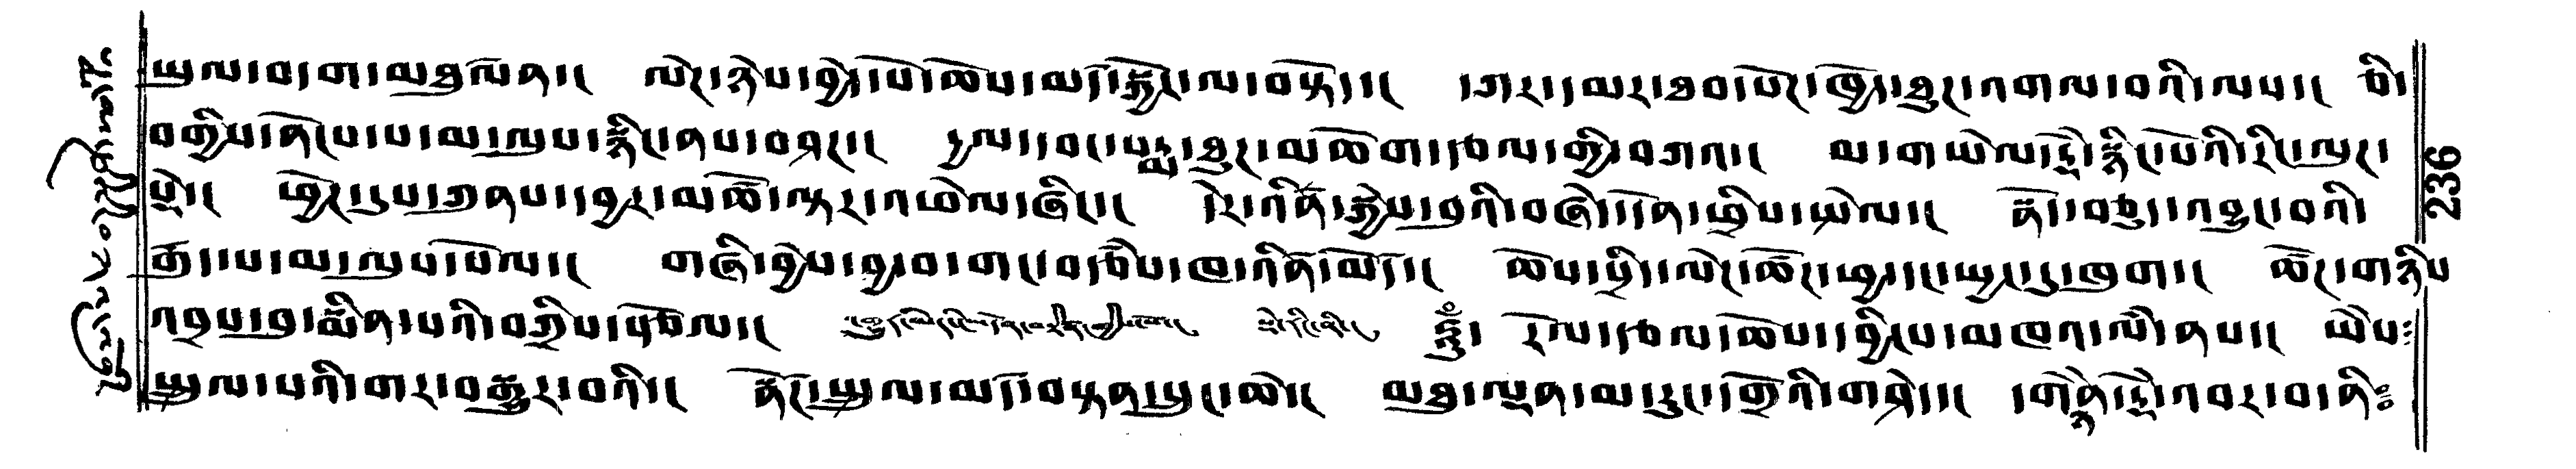ཡུལ་བདག་མཐུ་རྩལ་ཅན། །ལེགས་ཉེས་བྱེད་པོ་ཆོས་མཛད་སྐྱོང་ལ་བསྟོད། །དཀར་དམར་ཐབ་སོགས་ཁྱོད་ཐུགས་འགལ་བའི་ལས། །ཅི་
བགྱིས་ནོངས་པ་མ་ལུས་སྙིང་ནས་བཤགས། །རྒྱལ་དབང་པདྨ་ཐུགས་མཆོག་རྩལ་གྱི་བཀའ། །མ་གཡེལ་རྡོ་རྗེ་སྙིང་པོའི་རིང་ལུགས་
སྡེ། །ཕྱོགས་དུས་ཀུན་ནས་དབྱར་མཚོ་ལྟར་འཕེལ་ཞིང་། །དེ་འཛིན་སྐྱེས་བུའི་བཞེད་དོན་ཕྲིན་ལས་སྤེལ། །སྣོད་བཅུད་འབྱུང་བའི་
རྒུད་པ་མ་ལུས་སོལ། །གཞིས་བྱེས་བྱ་བ་གང་བརྩམས་ཁ་འཛིན་མཛོད། །ཆོས་སྲིད་ལེགས་ཚོགས་ཕྱྭ་དང་གཡང་དུ་ཁུག །ཚོགས་གཉིས་
འབྲས་བུར་སྨིན་པའི་བཀྲ་ཤིས་སྩོལ། འགྱུར་མེད་ངེས་དོན་བསྟན་འཛིན་གྱིས་སོ།། སྡེ་རིང་ནི། ཧཱུྃ། །རོལ་རྩལ་ཆོས་དབྱིངས་མཁའ་ལམ་ནས། །ཡེ་ཤེས་
སྤྲུལ་པའི་གར་བསྒྱུར་བའི། །སྣ་ཚོགས་སྤྲུལ་མཛད་བསྟན་སྲུང་ཆེ། །མཐུ་ལྡན་མ་རུང་དགྲ་བོའི་གཤེད། །དགེ་གཉེན་རྡོ་རྗེ་འབར་བ་ནི།